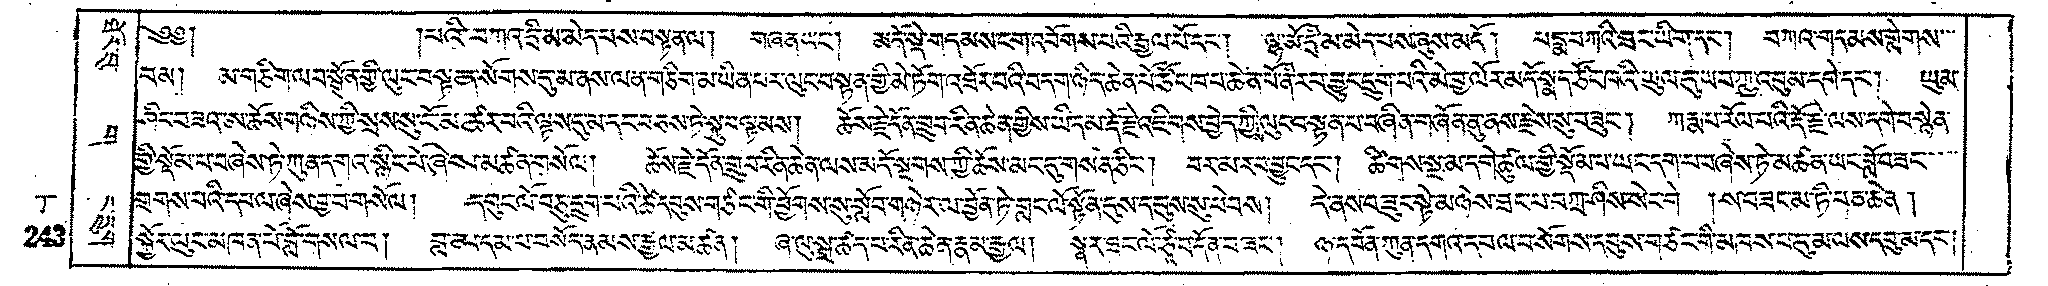༄༅། །པའི་བཀའ་དྲི་མ་མེད་པས་བསྟན་ལ། གཞན་ཡང་། མདོ་སྡེ་གདམས་ངག་འབོགས་པའི་རྒྱལ་པོ་དང་། ལྷ་མོ་དྲི་མ་མེད་པས་ཞུས་མེད། བཛྲ་བཀའི་ཐང་ཡིག་དང་། བཀའ་གཏམས་གླེགས་་་
བམ། མ་གཅིག་ལབ་སྒྲོན་གྱི་ལུང་བསྟན་སོགས་དུ་མ་ནས་ལན་གཅིག་མ་ཡིན་པར་ལུང་བསྟན་གྱི་མེ་ཏོག་འ་ཐོར་བའི་བདག་ཉིད་ཆེན་པོ་ཙོང་ཁ་པ་ཆེན་པོ་ནི་རབ་བྱུང་དྲུག་པའི་མི་བྱ་ལོར་མདོ་སྣད་ཙོང་ཁའི་ཡུལ་དུ་ཡབ་ཀླུ་འབུམ་དགེ་དང་། ཡུམ་
ཤིང་བཟའ་ཨ་ཆོས་གཉིས་ཀྱི་སྲས་སུ་ངོ་མཚར་བའི་ལྟས་དུ་མ་དང་བཅས་ཏེ་སྐུ་བལྟམས། ཆོས་རྗེ་དོན་གྲུབ་རིན་ཆེན་གྱིས་ཡིད་མ་རྡོ་རྗེ་འཇིགས་བྱེད་ཀྱི་ལུང་བསྟན་པ་བཞིན་གཞོན་ནུ་ནས་རྗེས་སུ་བཟུང་། ཀརྨ་པ་རོལ་པའི་རྡོ་རྗེ་ལས་དགེ་བསྙེན་
གྱི་སྡོམ་པ་བཞེས་ཏེ་ཀུན་དགའ་སྙིང་པོ་ཞེས་མཚན་གསོལ། ཆོས་རྗེ་དོན་གྲུབ་རིན་ཆེན་ལས་མདོ་སྔགས་ཀྱི་ཆོས་མང་དུ་གསན་ཅིང་། བར་མ་རབ་བྱུང་དང་། ཚིགས་སྔ་མ་དགེ་ཚུལ་གྱི་སྡོམ་པ་ཡང་དག་པ་བཞེས་ཏེ་མཚན་ཡང་བློ་བཟང་་་
གྲགས་པའི་དཔལ་ཞེས་བྱ་བ་གསོལ། དགུང་ལོ་བཅུ་དྲུག་པའི་ཚེ་དབུས་གཙང་གི་ཕྱོགས་སུ་སློབ་གཉེར་ལ་བྱོན་ཏེ་གླང་ལོ་སྟོན་དུས་དབུས་སུ་ཕེབས། དེ་ནས་བཟུང་སྟེ་མཉེས་ཐང་པ་བཀྲ་ཤིས་སེང་གེ །ས་བཟང་མ་ཏི་པཎ་ཆེན།
སྐྱོར་ལུང་མཁན་པོ་བློ་གསལ་བ། བླ་མ་དམ་པ་བསོད་ནམས་རྒྱལ་མཚན། ཞ་ལུ་སྒྲ་ཚད་པ་རིན་ཆེན་རྣམ་རྒྱལ། སྣར་ཐང་ལོ་ཙཱ་བ་དོན་བཟང་། ཉ་དཔོན་ཀུན་དགའ་དཔལ་བ་སོགས་དབུས་གཙང་གི་མཁས་པ་དུ་མ་ལས་དབུ་མ་དང་།